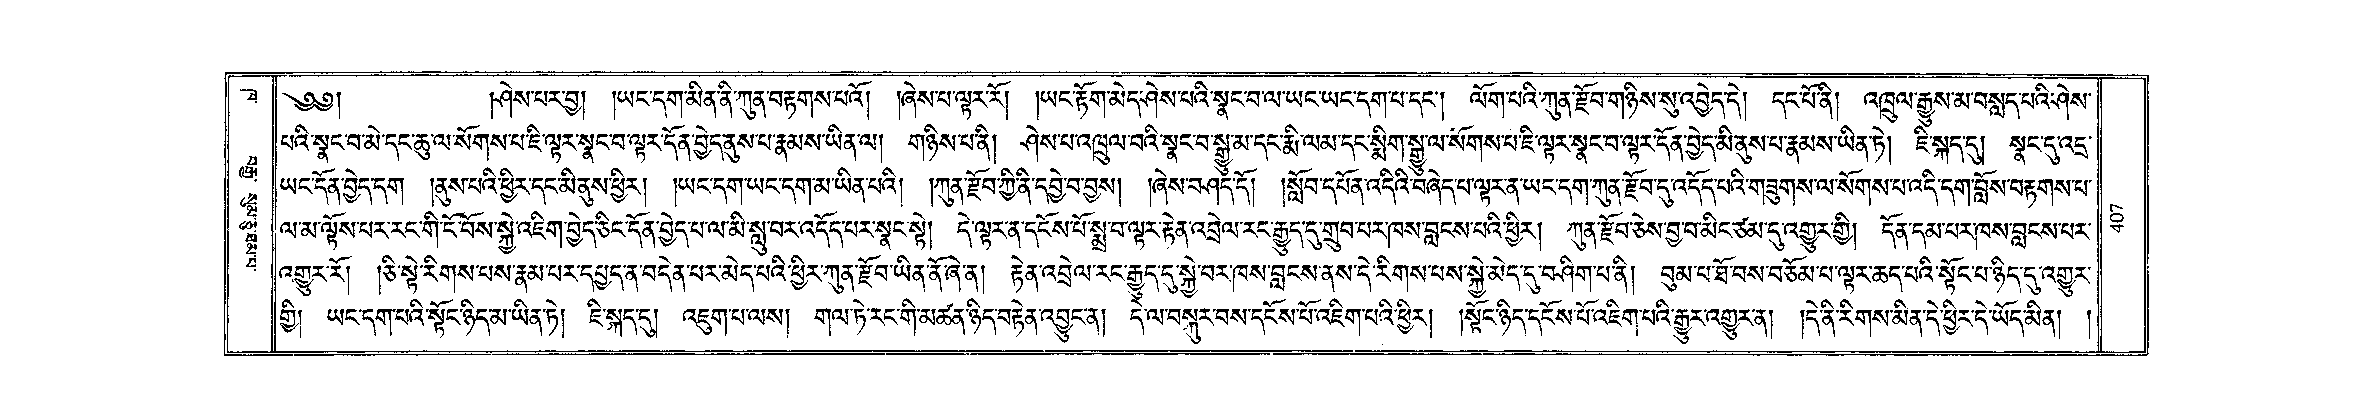༄༅། །ཤེས་པར་བྱ། །ཡང་དག་མིན་ནི་ཀུན་བརྟགས་པའོ། །ཞེས་པ་ལྟར་རོ། །ཡང་རྟོག་མེད་ཤེས་པའི་སྣང་བ་ལ་ཡང་ཡང་དག་པ་དང་། ལོག་པའི་ཀུན་རྫོབ་གཉིས་སུ་འབྱེད་དེ། དང་པོ་ནི། འཁྲུལ་རྒྱུས་མ་བསླད་པའི་ཤེས་
པའི་སྣང་བ་མེ་དང་ཆུ་ལ་སོགས་པ་ཇི་ལྟར་སྣང་བ་ལྟར་དོན་བྱེད་ནུས་པ་རྣམས་ཡིན་ལ། གཉིས་པ་ནི། ཤེས་པ་འཁྲུལ་བའི་སྣང་བ་སྒྱུ་མ་དང་རྨི་ལམ་དང་སྨིག་སྒྱུ་ལ་སོགས་པ་ཇི་ལྟར་སྣང་བ་ལྟར་དོན་བྱེད་མི་ནུས་པ་རྣམས་ཡིན་ཏེ། ཇི་སྐད་དུ། སྣང་དུ་འདྲ་
ཡང་དོན་བྱེད་དག །ནུས་པའི་ཕྱིར་དང་མི་ནུས་ཕྱིར། །ཡང་དག་ཡང་དག་མ་ཡིན་པའི། །ཀུན་རྫོབ་ཀྱི་ནི་དབྱེ་བ་བྱས། །ཞེས་བཤད་དོ། །སློབ་དཔོན་འདིའི་བཞེད་པ་ལྟར་ན་ཡང་དག་ཀུན་རྫོབ་དུ་འདོད་པའི་གཟུགས་ལ་སོགས་པ་འདི་དག་བློས་བརྟགས་པ་
ལ་མ་ལྟོས་པར་རང་གི་ངོ་བོས་སྐྱེ་འཇིག་བྱེད་ཅིང་དོན་བྱེད་པ་ལ་མི་སླུ་བར་འདོད་པར་སྣང་སྟེ། དེ་ལྟར་ན་དངོས་པོ་སྨྲ་བ་ལྟར་རྟེན་འབྲེལ་རང་རྒྱུད་དུ་གྲུབ་པར་ཁས་བླངས་པའི་ཕྱིར། ཀུན་རྫོབ་ཅེས་བྱ་བ་མིང་ཙམ་དུ་འགྱུར་གྱི། དོན་དམ་པར་ཁས་བླངས་པར་
འགྱུར་རོ། །ཅི་སྟེ་རིགས་པས་རྣམ་པར་དཔྱད་ན་བདེན་པར་མེད་པའི་ཕྱིར་ཀུན་རྫོབ་ཡིན་ནོ་ཞེ་ན། རྟེན་འབྲེལ་རང་རྒྱུད་དུ་སྐྱེ་བར་ཁས་བླངས་ནས་དེ་རིགས་པས་སྐྱེ་མེད་དུ་བཤིག་པ་ནི། བུམ་པ་ཐོ་བས་བཅོམ་པ་ལྟར་ཆད་པའི་སྟོང་པ་ཉིད་དུ་འགྱུར་
གྱི༑ ཡང་དག་པའི་སྟོང་ཉིད་མ་ཡིན་ཏེ། ཇི་སྐད་དུ། འཇུག་པ་ལས། གལ་ཏེ་རང་གི་མཚན་ཉིད་བརྟེན་འབྱུང་ན། དེ་ལ་བསྐུར་བས་དངོས་པོ་འཇིག་པའི་ཕྱིར། །སྟོང་ཉིད་དངོས་པོ་འཇིག་པའི་རྒྱུར་འགྱུར་ན། །དེ་ནི་རིགས་མིན་དེ་ཕྱིར་དེ་ཡོད་མིན། །